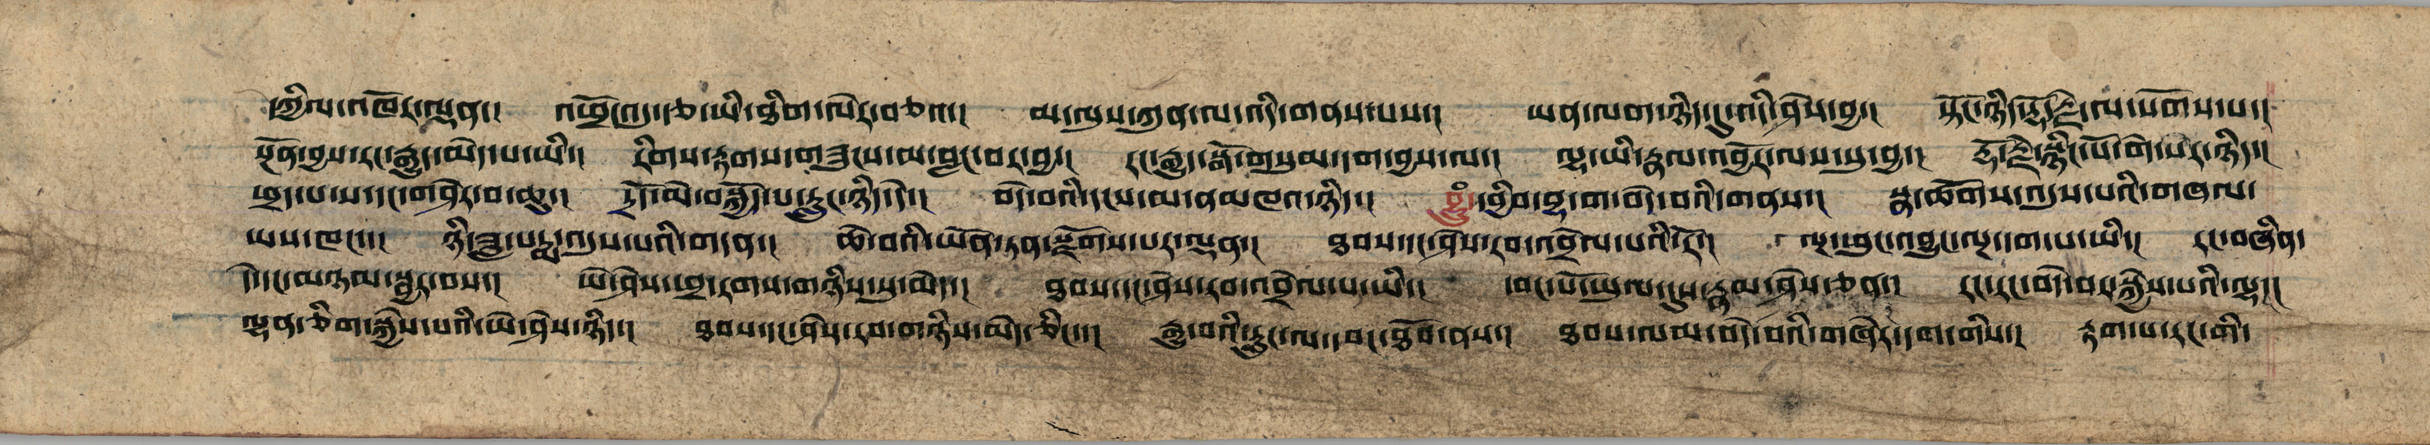དཀྱིལ་འཁོར་ལྡན་། འཕྲོ་འདུ་རྩ་ཡི་ཐིག་ལེར་བཅའ་། མ་ལུས་ཀུན་ལ་འདི་གནས་པས་། ཡན་ལག་ཉིད་དུ་འདི་ཤེས་བྱ་། སྟོང་ཉིད་རྡོ་རྗེ་ལ་སོགས་པ་།
སྔོན་བྱས་རང་རྒྱུད་མེད་པ་ཡི་། རིགས་རྟགས་གཟུངས་མ་བླང་བར་བྱ་། རང་རྒྱུད་སྒོ་གསུམ་དག་བྱས་ལ་། ལྷ་ཡི་རྣལ་འབྱོར་ལས་སུ་བྱ་། རྡོ་རྗེ་སྙིང་པོ་གེ་སར་ཉིད་།
ཕྲད་པ་ས་དང་གཤེར་བ་ཆུ་། དྲོད་མེ་བསྐྱོད་པ་རླུང་ཉིད་དེ་། བདེ་བའི་དངས་མ་ནམཁའ་ཉིད་། བྷྲུཾ་བྱིབ་བྷ་ག་བདེ་བའི་གནས་། སྣ་ཚོགས་འདུས་པའི་གཞལ་
ཡས་ཁང་་། ཉི་ཟླ་པདྨ་འདུས་པའི་གདན་། ཆེ་བའི་ཡོན་ཏན་སྫོགས་པར་ལྡན་། ཐབས་དང་ཤེ་སརབ་འབྲེལ་པའི་རོ་། ལྔ་ཕུང་འབྱུང་ལྔ་དག་པ་ཡི་། རང་བཞིན་
དེ་དང་མཉམ་སྦྱར་བས་། ཡེ་ཤེས་ཕྲ་རགས་གཉིས་སུ་མེད་། ཐབས་དང་ཤེས་རབ་འབྲེལ་པ་ཡི་། དབང་པོ་ཡུལ་དུས་རྣམ་ཤེས་ཅན་། རང་རང་བདེ་བར་སྐྱེས་པའི་ལྷ་།
ལྷན་ཅིག་སྐྱེས་པའི་ཡེ་ཤེས་ཉིད་། ཐབས་དང་ཤེས་རབ་གཉིས་མེད་ཅིང་་། རྒྱུ་བའི་རླུང་ལ་དབང་ཐོབ་ནས་། ཐབས་ལམ་བདེ་བའི་གཞེར་དག་གིས་། རྟག་པ་རང་གི་